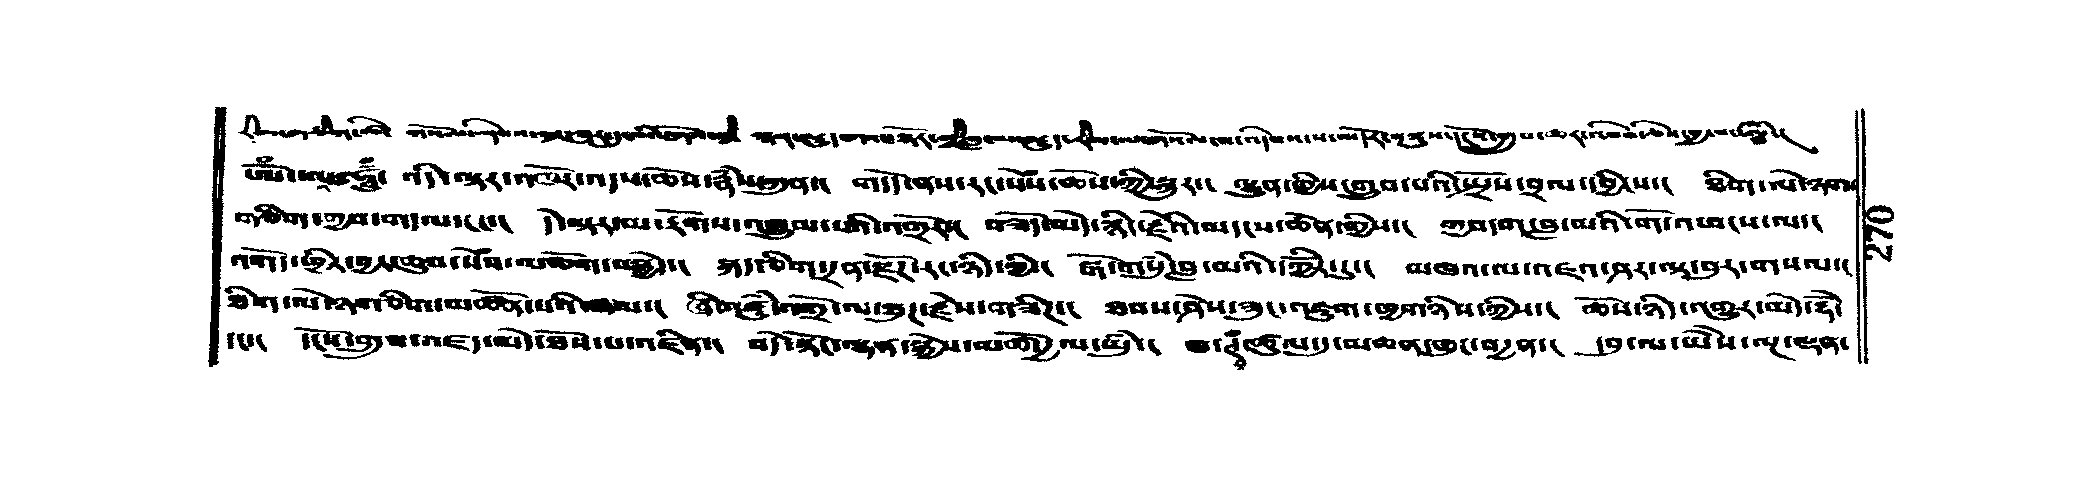རིམ་གཅིག་ཚེ། གསོལ་འདེབས་ཀྱང་ཟུར་དུ་མི་དགོས་ཀྱི། སྙན་བརྒྱུད་གསང་བསྐོར་གྱི་བླ་མ་བརྒྱུད་རིམ་ལ་གསོལ་བ་འདེབས་པ་མདོར་བསྡུས་དངོས་གྲུབ་ཆར་འབེབས་ཞེས་བྱ་བ་། 
ཨོཾ་ཨཱཿཧཱུྃ། འདི་ལྟར་འཁོར་འདས་ཆོས་རྣམས་ཀུན། །གདོད་ནས་རང་སེམས་ཆོས་ཀྱི་སྐུར། །ལྷུན་གྱིས་གྲུབ་པའི་སྤྲོས་བྲལ་དབྱིངས། །ཐིག་ལེ་ཉག་
གཅིག་ཁྱབ་གདལ་ངང་། །དེ་ལྟར་མ་རྟོགས་འཁྲུལ་པའི་འགྲོར། །བཟོད་མེད་སྙིང་རྗེའི་མདངས་ཆེན་གྱིས། །ཁྱབ་བདག་བླ་མའི་གོ་འཕང་ལ། །
འགོད་ཕྱིར་བྱང་ཆུབ་སེམས་མཆོག་བསྐྱེད། །སྐད་ཅིག་དྲན་རྫོགས་རང་ཉིད་ཀྱི། །སྒོ་གསུམ་བླ་མའི་དཀྱིལ་འཁོར་དུ། །མཁའ་ལ་འཇའ་ཤར་ལྟ་བུར་གསལ། །
ཐིག་ལེ་ཉག་གཅིག་མཚོན་པའི་ཞལ། །ཞི་འཛུམ་འགྲོ་ལ་ཐུགས་རྗེས་གཟིགས། །ཐབས་ཤེས་ཟུང་འཇུག་ཕྱག་གཉིས་ཀྱིས། །ཆོས་ཉིད་འགྱུར་མེད་རྡོ་རྗེ་
དང་། །དངོས་གྲུབ་འཛད་མེད་ཐོད་པ་འཛིན། །བདེ་སྟོང་ལྷན་སྐྱེས་མཚོ་རྒྱལ་ཡུམ། །ཁ་ཊྭཾ་ཚུལ་དུ་མཆན་ཁུང་བརྒྱན། །དབུ་ལ་ཡེ་ཤེས་ལྔ་ལྡན་